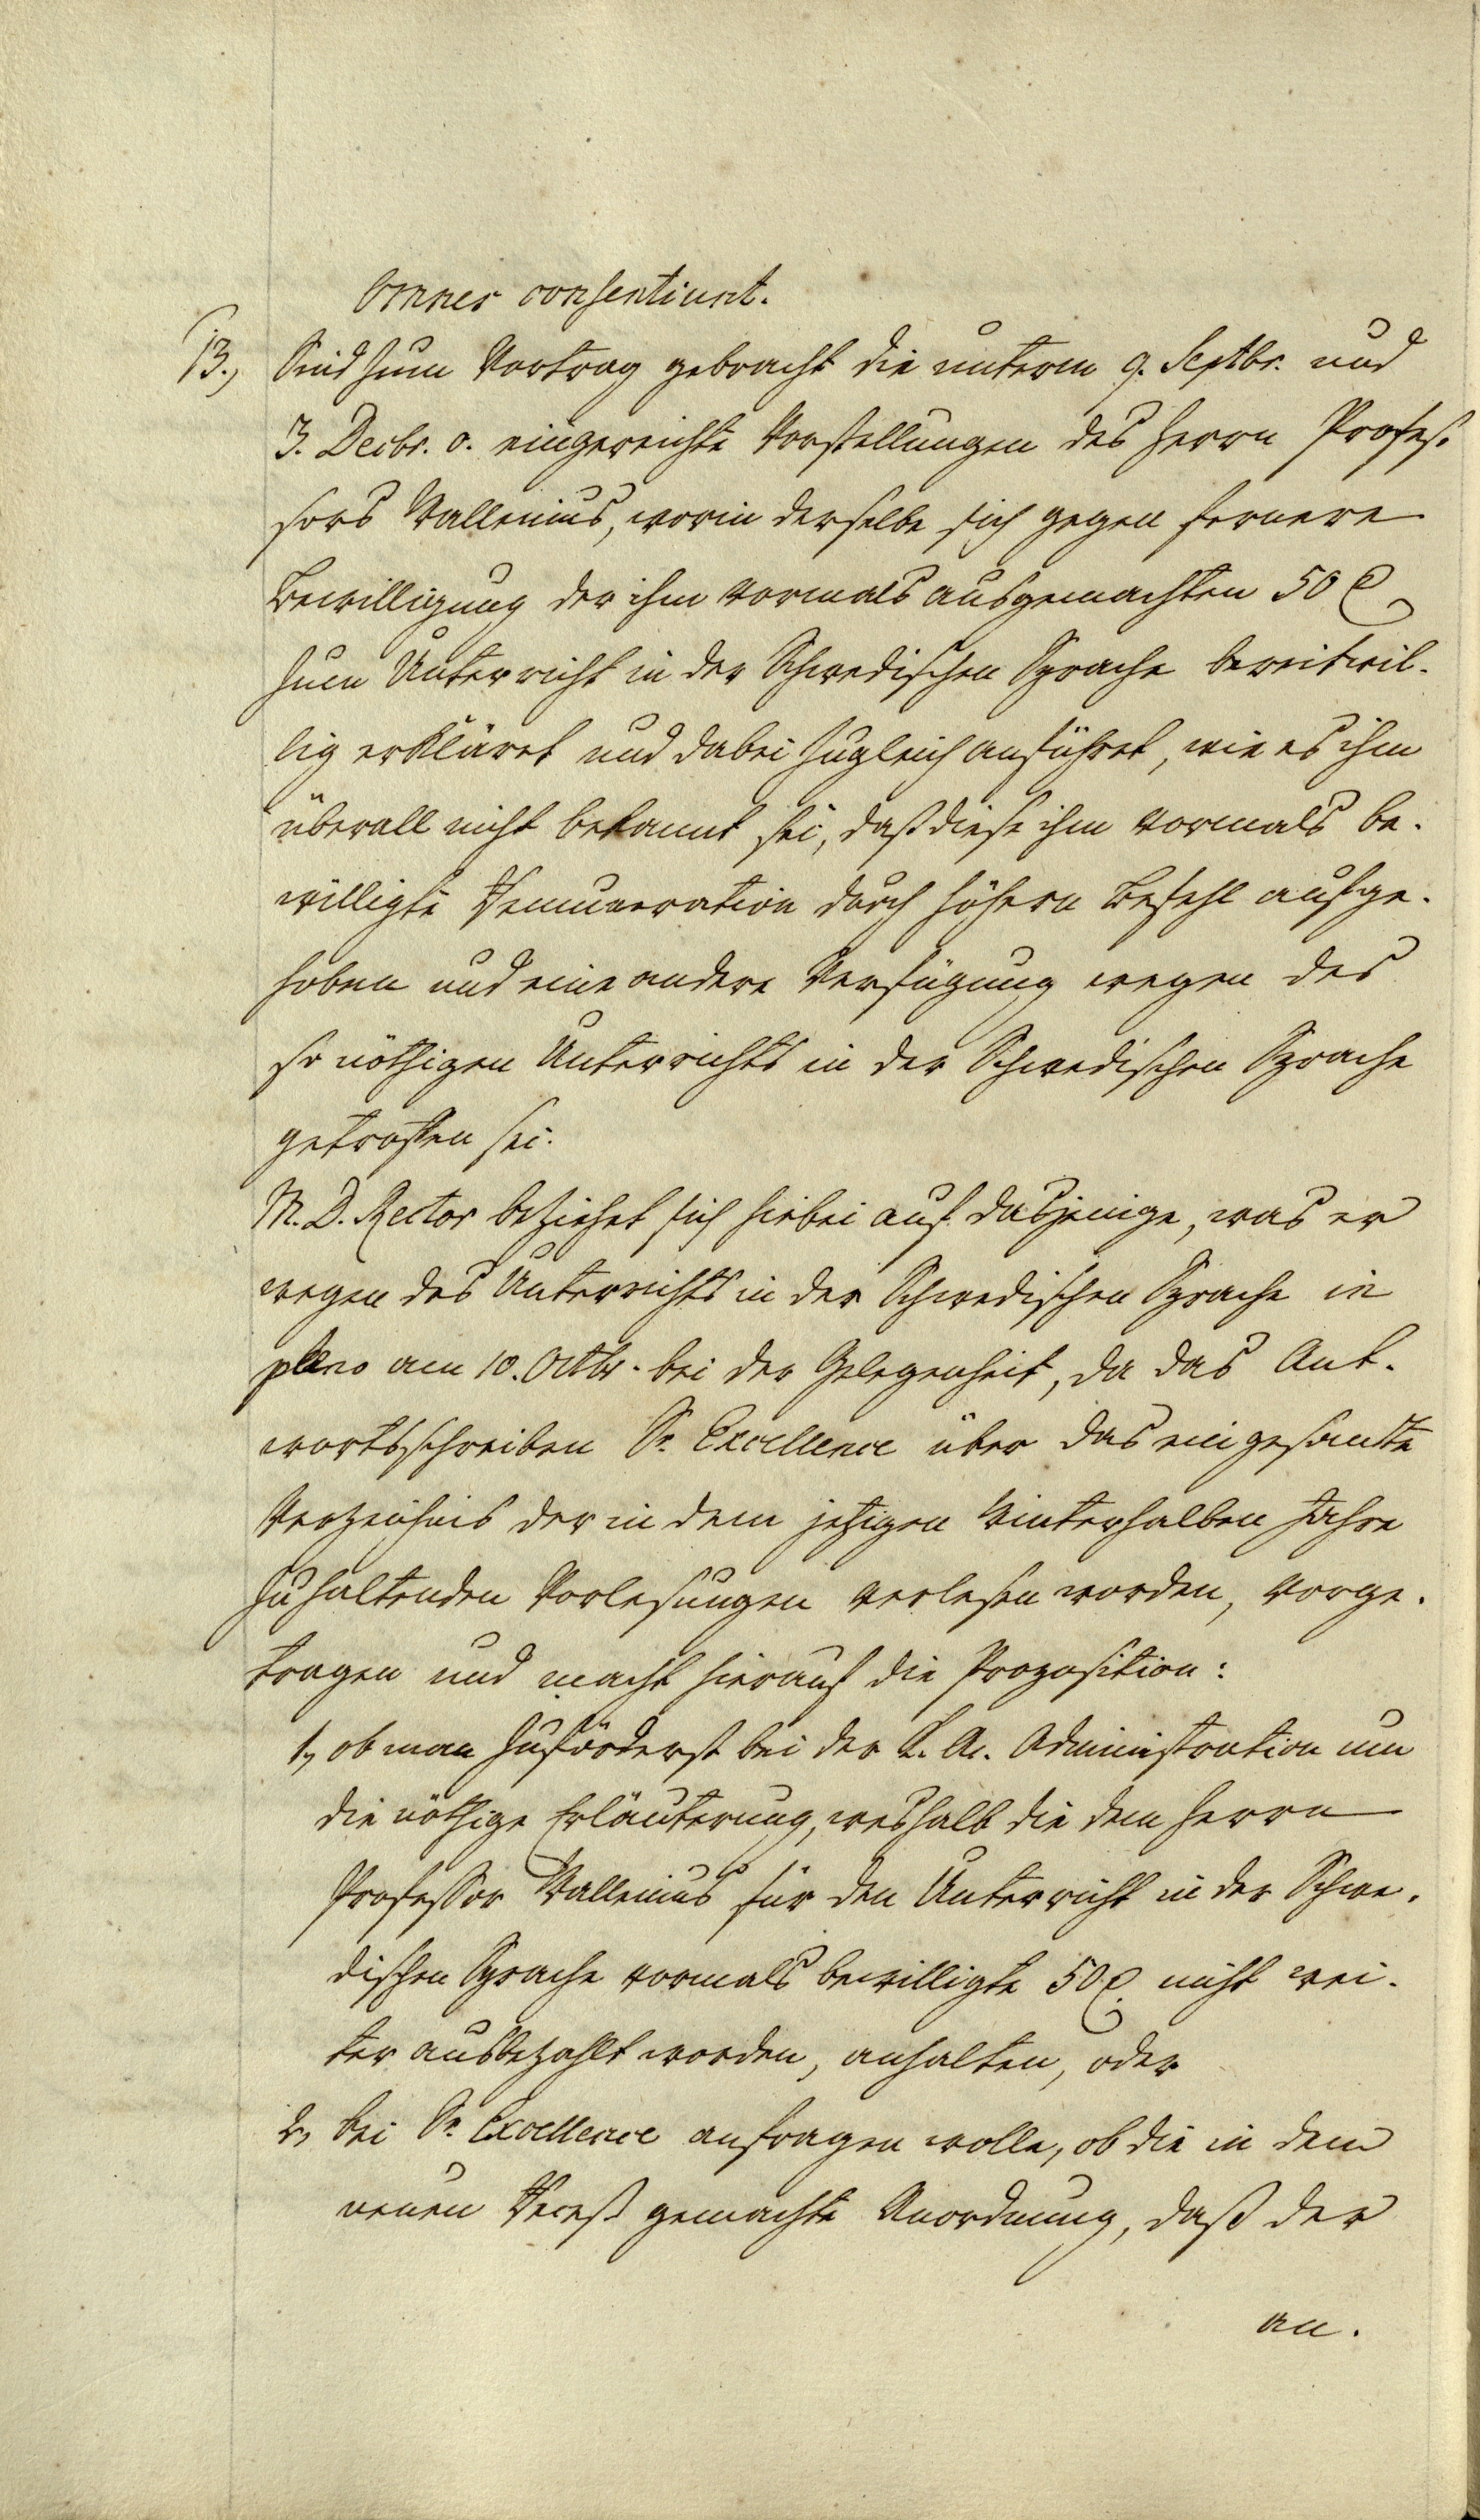Omnes consentiunt.
13., Sind zum Vortrag gebracht die unterm 9. Septbr. und
3. Decbr. c. eingereichte Vorstellungen des Herrn Profes¬
sors Wallenius, worin derselbe sich gegen fernere
Bewilligung der ihm vormals ausgemachten 50 l.
zum Unterricht in der Schwedischen Sprache bereitwil¬
lig erkläret und dabei zugleich anführet, wie es ihm
überall nicht bekannt sei, daß diese ihm vormals be¬
wiligte Remuneration durch höhern Befehl aufge¬
hoben und eine andere Verfügung wegen des
so nöthigen Unterrichts in der Schwedischen Sprache
getroffen sei.
M. D. Rector beziehet sich hiebei auf dasjenige, was er
wegen des Unterrichts in der Schwedischen Sprache in
pleno am 10 Octbr. bei der Gelegenheit, da das Ant¬
wortschreiben Sr Excellence über das eingesandte
Verzeichnis der in dem jetzigen Winterhalben Jahre
zu haltenden Vorlesungen verlesen worden, vorge¬
tragen und macht hierauf die Proposition:
1, ob man zuförderst bei der K. A. Administration um
die nöthige Erläuterung, weshalb die dem Herrn
Professor Wakleius für den Unterricht in der Schwe¬
dischen Sprache vormals bewilligte 50 l. nicht wei¬
er ausbezahlt worden, anhalten, oder
2., bei Sr Excellence anfragen wolle, ob die in dem
neuen Receß gemachte Anordnung, daß der
an¬